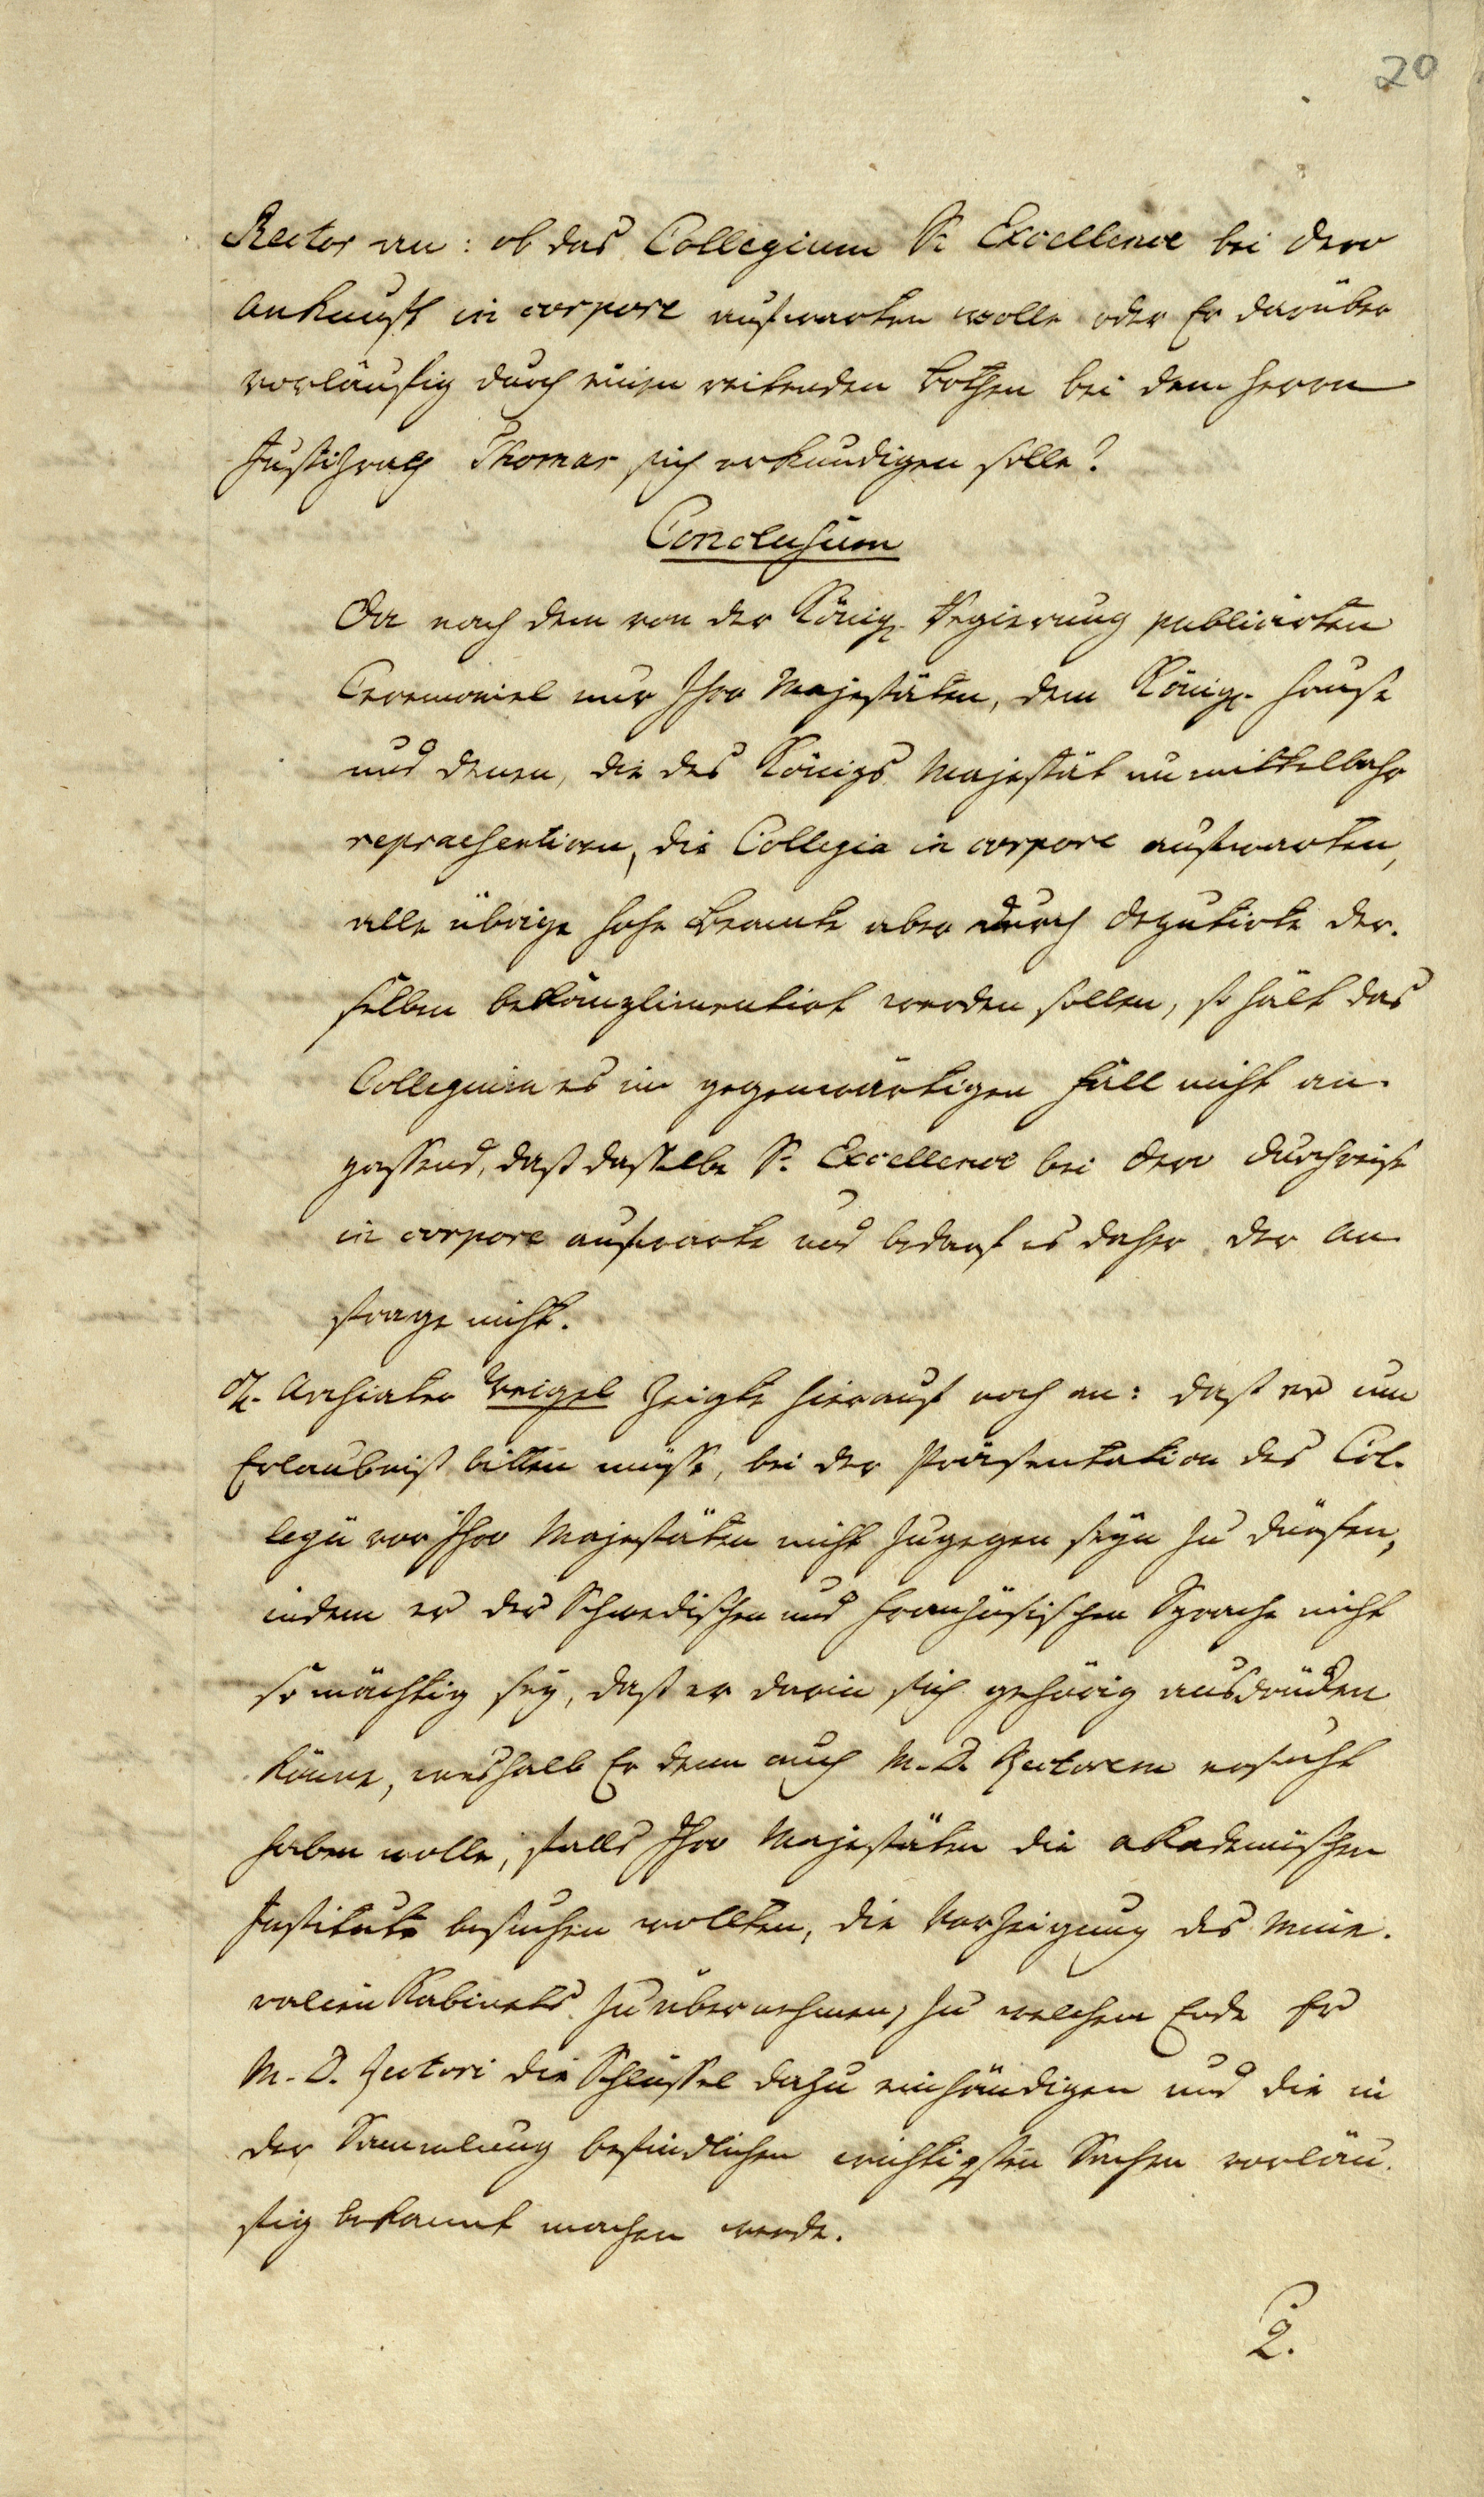Rector an: ob das Collegium Sr Excellence bei der
Ankunft in corpore aufwarten wolle oder Er darüber
vorläufig durch einen reitenden Bothen bei dem Herrn
Justizrath Thomas sich erkundigen solle?
Conclusum
Da nach dem von der Königl. Regierung publicirten
Ceremoniel nur Ihro Majestäten, dem König. Hause
und denen, die des Königs Majestät unmittelbahr
repraesentiren, die Collegia in corpore aufwarten,
alle übrige hohe Beamte aber durch Deputirte der¬
selben bekomplimentirt werden sollen, so hält das
Collegium es im gegenwärtigen Fall nicht an¬
passend, daß dasselbe Sr. Excellence bei Dero Durchreise
in corpore aufwarte und bedarf es daher der An¬
frage nicht.
dh. Archiater Weigel zeigte hierauf noch an: daß er um
Erlaubniß bitten müsse, bei der Präsentation des Col¬
legii vor Ihro Majestäten nicht zugegen seÿn zu dürfen,
indem er der Schwedischen und Französischen Sprache nicht
so mächtig seÿ, daß er darin sich gehörig ausdrücken
könne, weshalb Er denn auch M. D. Rectorem ersucht
haben wolle, falls Ihro Majestäten die akademischen
Institute besuchen wollten, die Vorzeigung des Mine¬
ralienKabinets zu übernehmen, zu welchem Ende Er
M. D. Rectori die Schlüssel dazu einhändigen und die in
der Sammlung befindlichen wichtigsten Sachen vorläu¬
fig bekannt machen werde.
2.